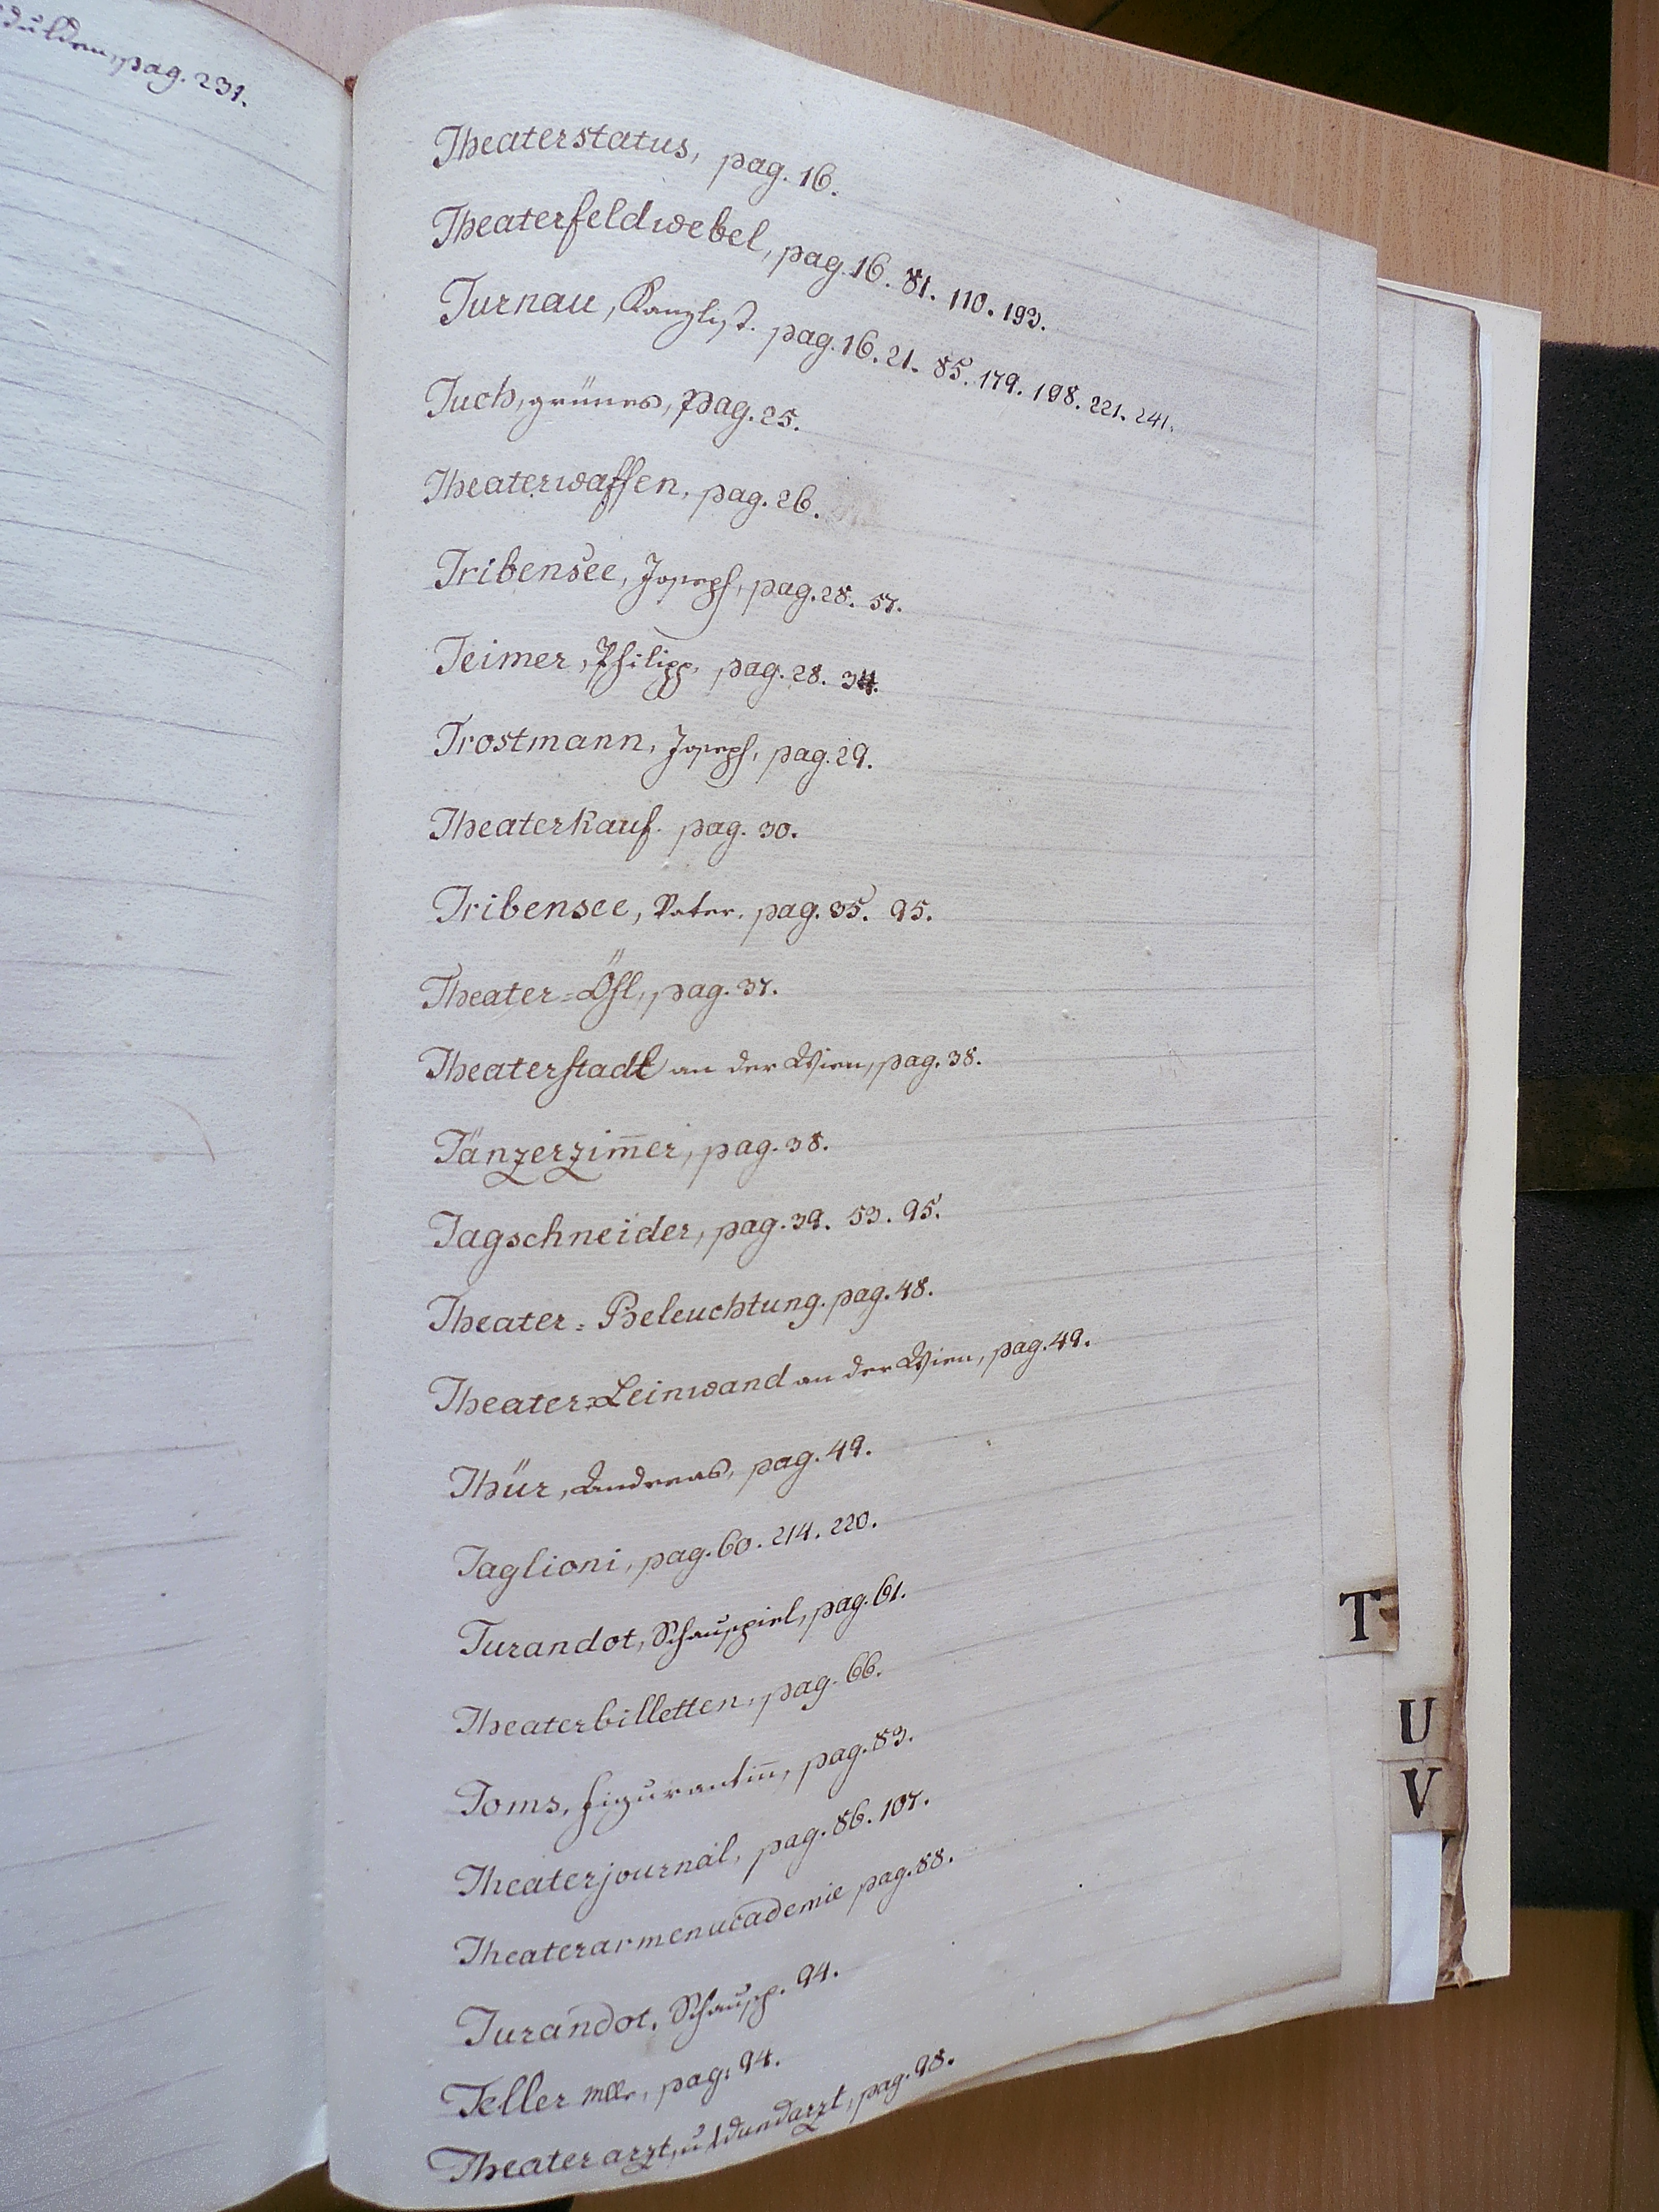T
Theaterstatus, pag. 16.
Theaterfeldwebel, pag. 16. 81. 110. 193.
Turnau, Kanzlist. pag. 16. 21. 85. 179. 198. 221. 241.
Tuch, grünes, pag. 25.
Theaterwaffen, pag. 26.
Tribensee, Joseph, pag. 28. 57.
Teimer, Philipp, pag. 28. 34.
Trostmann, Joseph, pag. 29.
Theaterkauf. pag. 30.
Tribensee, Vater, pag. 35. 95.
Theater-Öhl, pag. 37.
Theaterstadl an der Wien, pag. 38.
Tänzerzim̅er, pag. 38.
Tagschneider, pag. 39. 53. 95.
Theater=Beleuchtung. pag. 48.
Theater=Leinwand an der Wien, pag. 49.
Thür, Andreas, pag. 49.
Taglioni, pag. 60. 214. 220.
Turandot, Schauspiel, pag. 61.
Theaterbilletten, pag. 66.
Toms, Figurantin̅, pag. 83.
Theaterjournal, pag. 86. 107.
Theaterarmenacademie pag. 88.
Turandot, Schausp. 94.
Teller Mlle, pag: 94.
Theaterarzt, u Wundarzt, pag. 98.